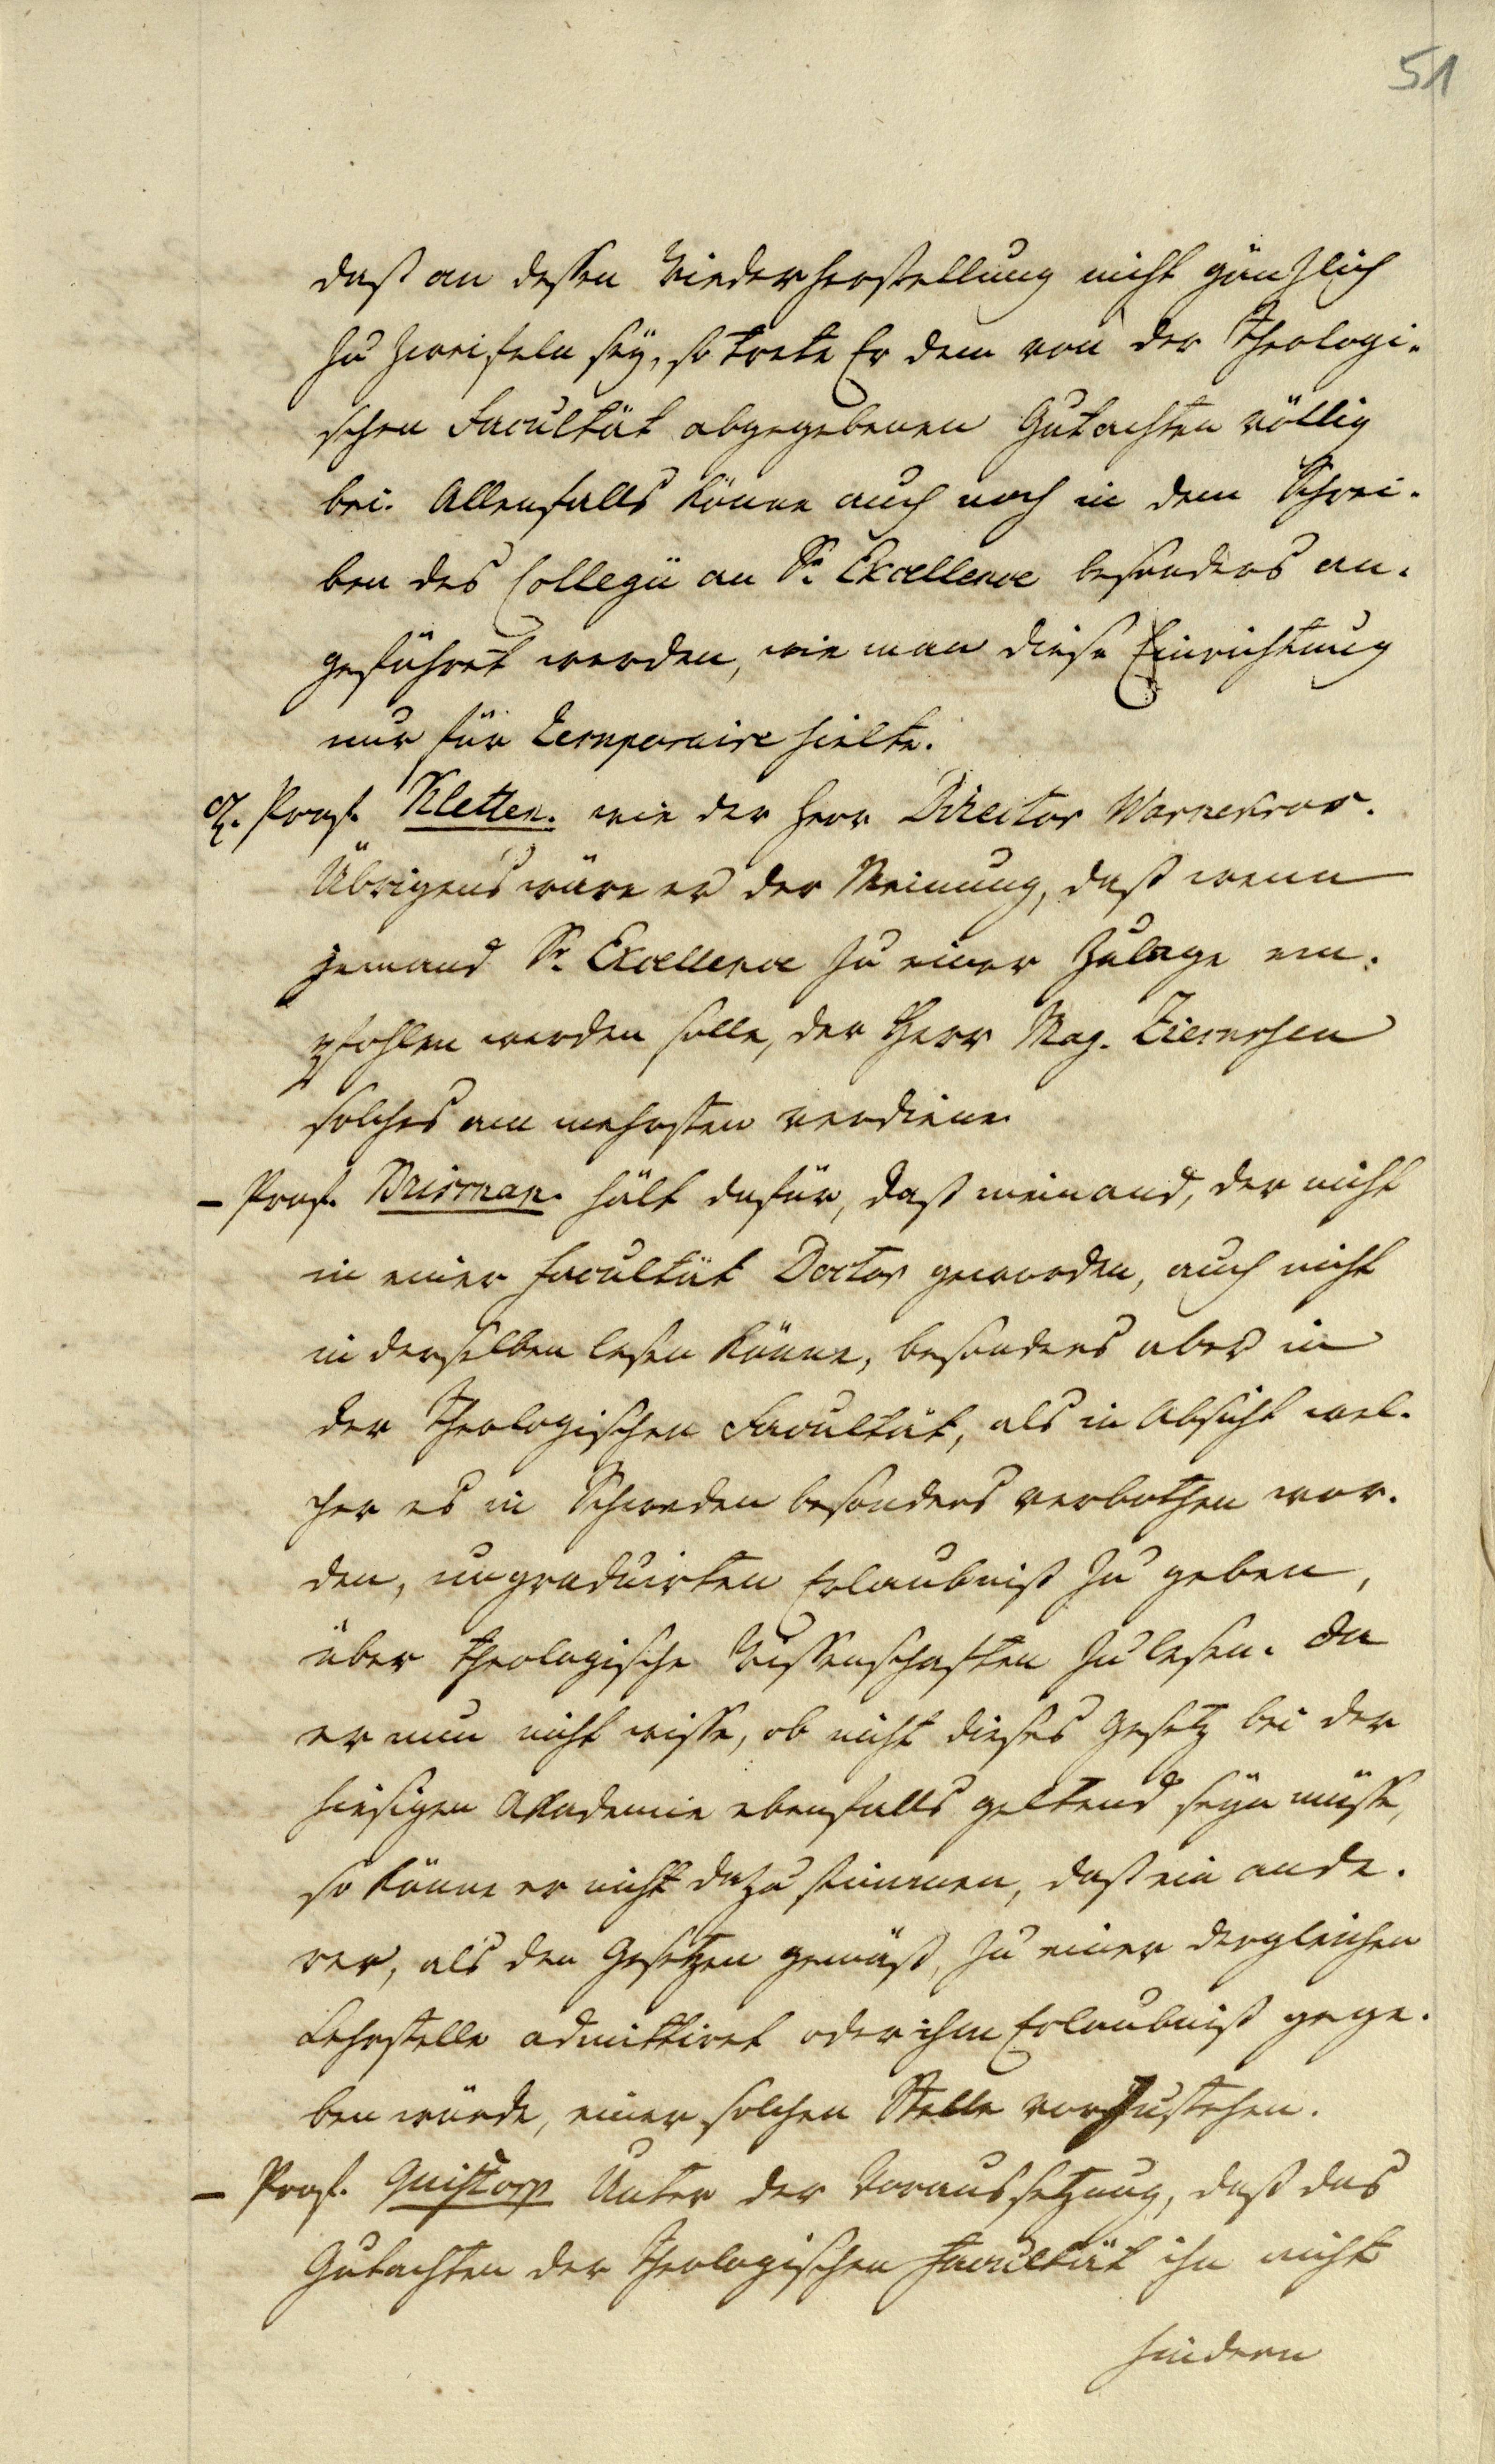daß an dessen Wiederherstellung nicht gänzlich
zu zweifeln seÿ, so trete Er dem von der Theologi¬
schen Facultät abgegebenen Gutachten völlig
bei. Allenfalls könne auch noch in dem Schrei¬
ben des Collegii an Sr Excellence besonders an¬
geführet werden, wie man diese Einrichtung
nur für temporaire hielte.
dh. Prof. Kletten. wie der Herr Director Warnekros.
Übrigens wäre er der Meinung, daß wenn
jemand Sr Excellence zu einer Zulage em¬
pfohlen werden solle, der Herr Mag. Ziemssn
solches am mehrsten verdiene.
Prof. Brisman. hält dafür, daß niemand, der nicht
in einer Facultät Doctor geworden, auch nicht
in derselben lesen könne, besonders aber in
der Theologischen Facultät, als in Absicht wel¬
cher es in Schweden besonders verbothen wor¬
den, ungraduirten Erlaubniß zu geben,
über theologische Wissenschaften zu lesen. Da
er nun nicht wisse, ob nicht dieses Gesetz bei der
hiesigen Akademie ebenfalls geltend seÿn müsse,
so könne er nicht dazu stimmen, daß ein ande¬
rer, als den Gesetzen gemäß, zu einer dergleichen
Lehrstelle admittiret oder ihm Erlaubniß gege¬
ben würde, einer solchen Stelle vorzustehen.
Prof. Quistorp Unter der Voraussetzung, daß das
Gutachten der Theologischen Facultät ihn nicht
hindern